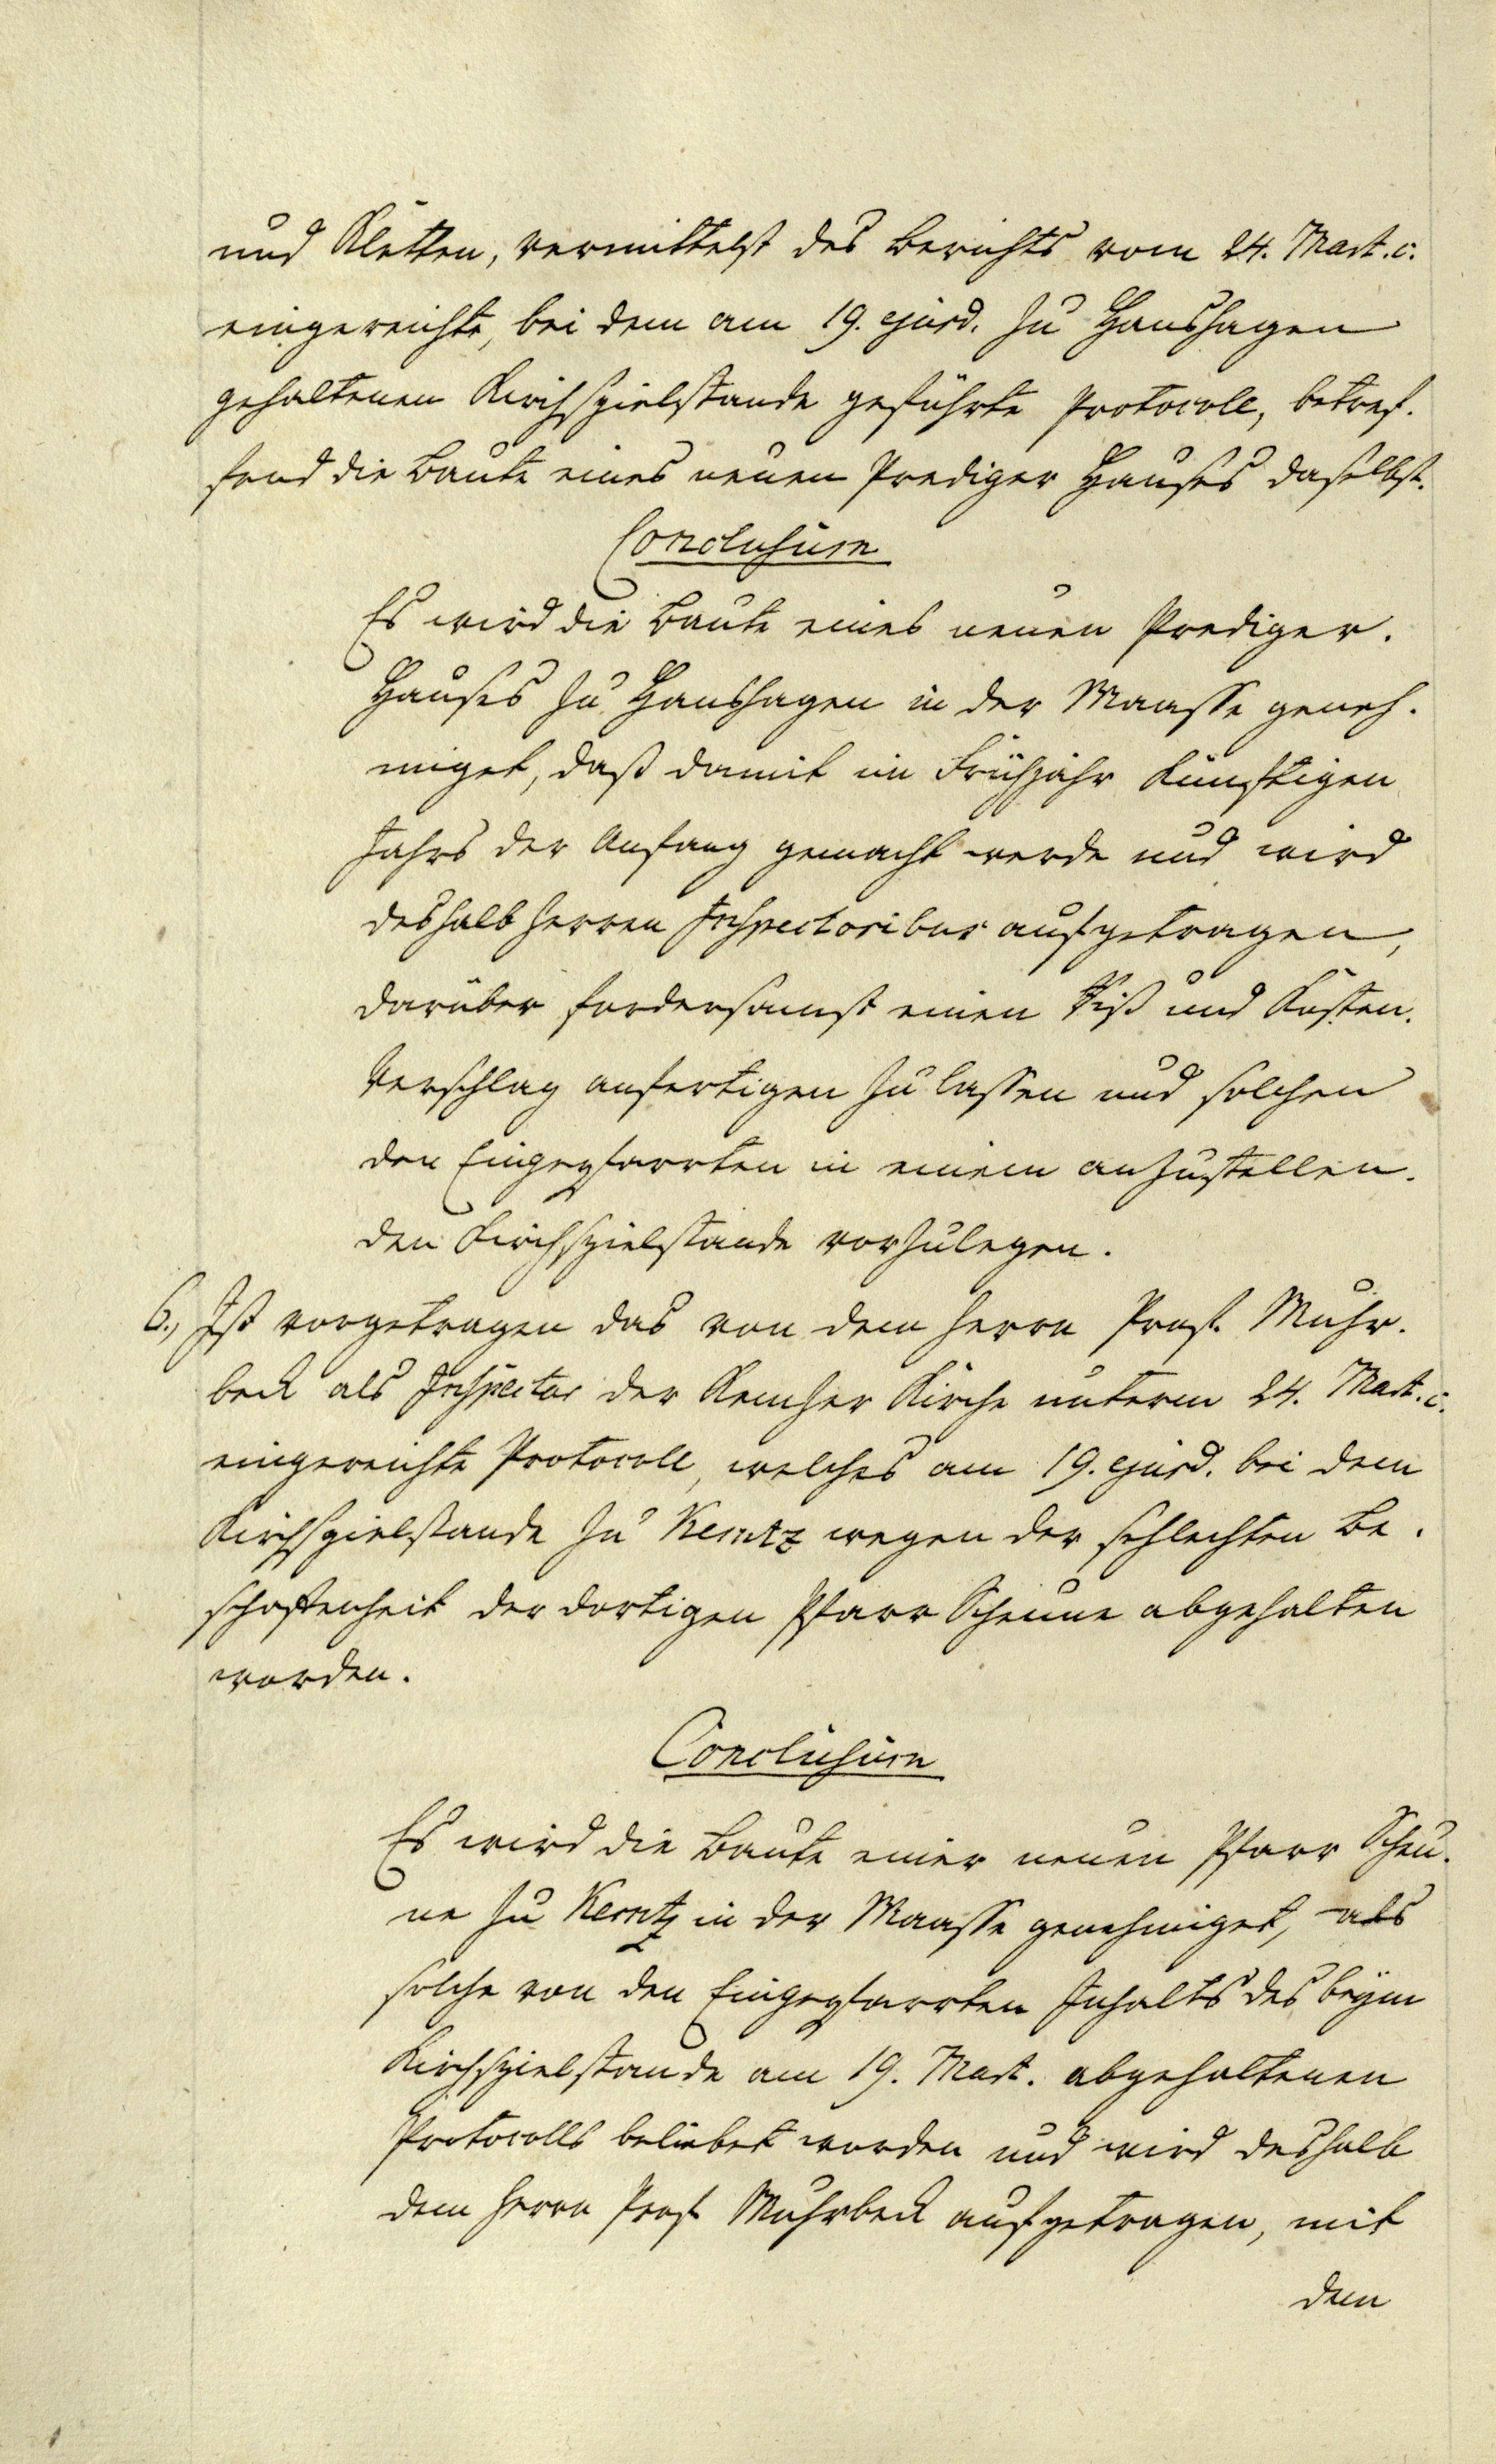und Kletten, vermittelst des Berichts vom 24. Mart c.
eingereichte, bei dem am 19. ejusd. zu Hanshagen
gehaltenen Kirchspielstande geführte Protocoll, betref¬
fend die Baute eines neuen Prediger Hauses daselbst.
Conclusum
Es wird die Baute eines neuen Prediger
Hauses zu Hanshagen in der Maasse geneh¬
miget, daß damit im Frühjahr künftigen
Jahrs der Anfang gemacht werde und wird
deshalb Herren Inspectoribus auf getragen,
darüber fordersamst einen Riß und Kosten¬
Verschlag anfertigen zu lassen und solchen
den Eingepfarrten in einem anzustellen¬
den Kirchspielstande vorzulegen.
6., Ist vorgetragen das von dem Herrn Prof. Muhr¬
beck als Inspector der Kemzer Kirche unterm 24. Mart. c.
eingereichte Protocoll, welches am 19. ejusd. bei dem
Kirchspielstande zu Kemtz wegen der schlechten Be¬
schaffenheit der dortigen Pfarr Scheune abgehalten
worden.
Conclusum
Es wird die Baute einer neuen Pfarr Scheu¬
ne zu Kemtz in der Maasse genehmiget, als
solche von den Eingepfarrten Inhalts des beÿm
Kirchspielstande am 19. Mart. abgehaltenen
Protocolls beliebet worden und wird deshalb
dem Herrn Prof. Muhrbeck aufgetragen, mit
dem